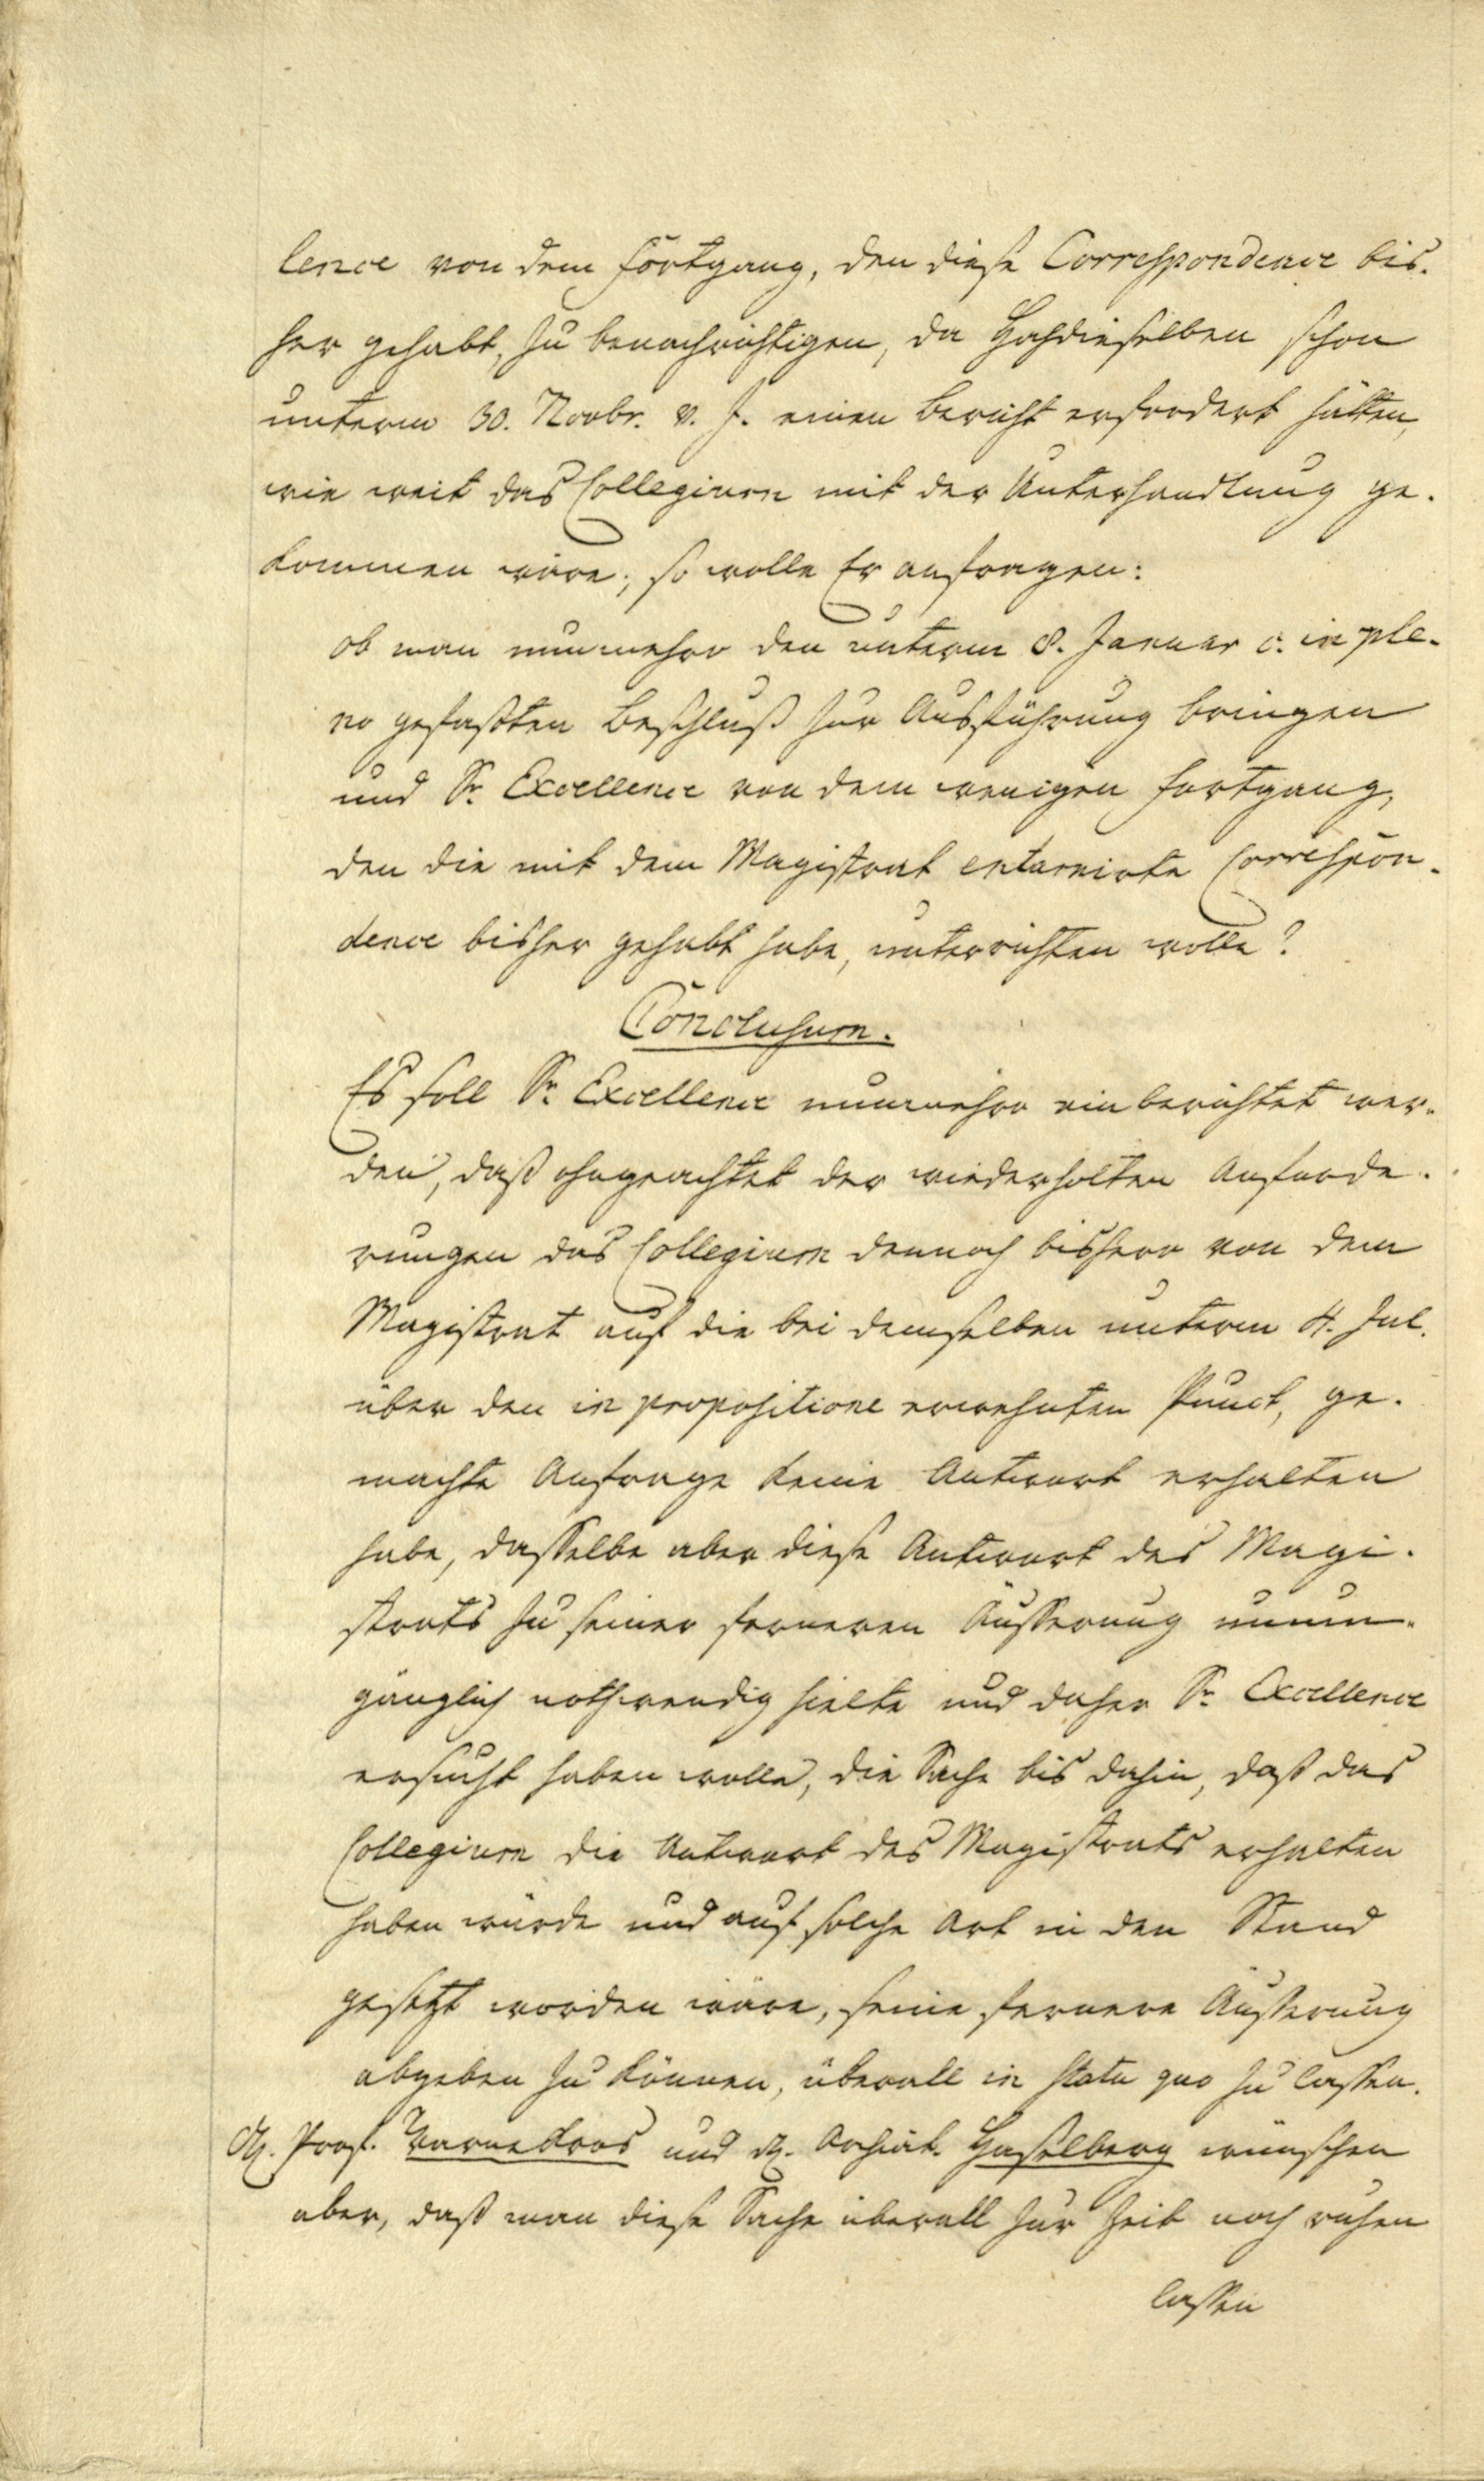lence von dem Fortgang, den diese Correspondence bis¬
her gehabt, zu benachrichtigen, da Hochdieselben schon
unterm 30. Novbr. v. J. einen Bericht erfordert hätten,
wie weit das Collegium mit der Unterhandlung ge¬
kommen wäre; so wolle Er anfragen:
ob man nunmehr den unterm 8. Januar c. in ple¬
no gefaßten Beschluß zur Ausführung bringen
und Sr Excellence von dem wenigen Fortgang,
den die mit dem Magistrat entamirte Correspon¬
dence bisher gehabt habe, unterrichten wolle?
Conclusum.
Es soll Sr Excellence nunmehro einberichtet wer¬
den, daß ohngeachtet der wiederholten Anforde¬
rungen das Collegium dennoch bisherr von dem
Magistrat auf die bei demselben unterm 4. Jul.
über den in propositione erwehnten Punct, ge¬
machte Anfrage keine Antwort erhalten
habe, dasselbe aber diese Antwort des Magi¬
strats zu seiner ferneren Äusserung unum¬
gänglich nothwendig hielte und daher Sr Excellence
ersucht haben wolle, die Sache bis dahin, daß das
Collegium die Antwort des Magistrats erhalten
haben würde und auf solche Art in den Stand
gesetzt worden wäre, seine fernere Äusserung
abgeben zu können, überall in statu quo zu lassen.
dh. Prof. Warnekros und dh. Archiat. Haselberg wünschen
aber, daß man diese Sache überall zur Zeit noch ruhen
lassen